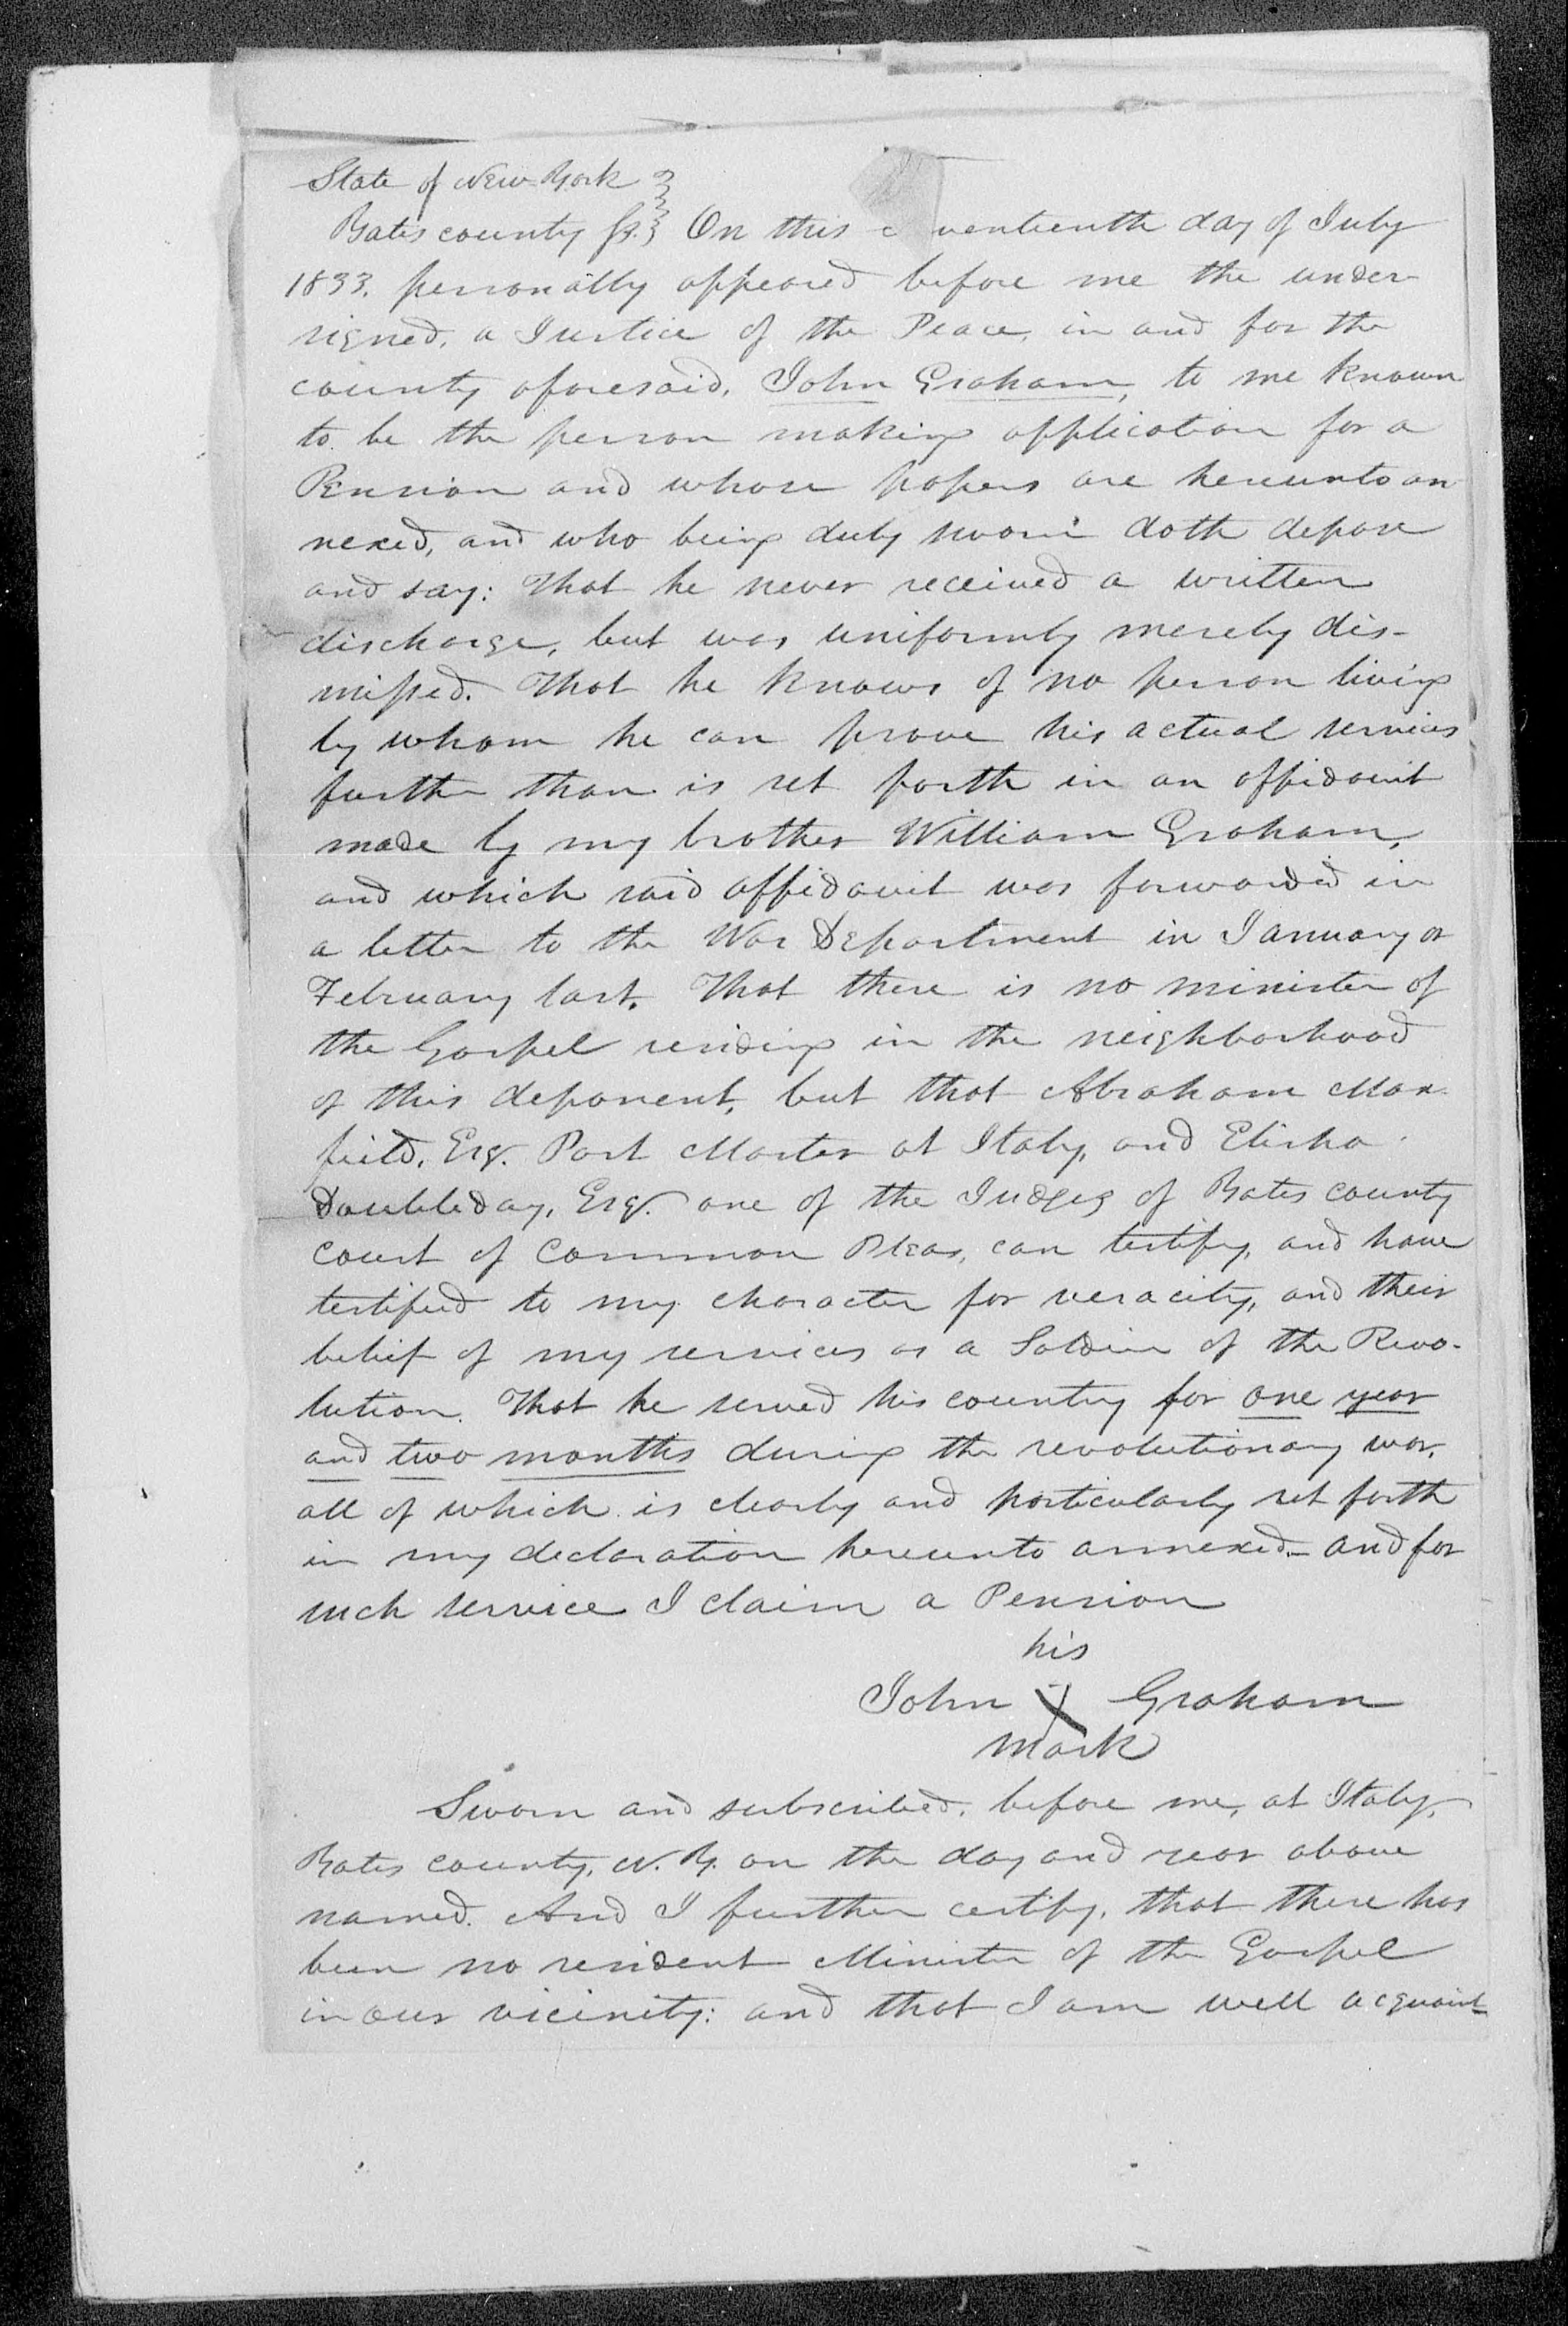State of New York
Yates county ss} On this seventeenth day of July 1833, personally appeared before me the undersigned, a Justice of the Peace in and for the county aforesaid, John Graham, to me known to be the person making application for a Pension and whose hopes are hereunto ammened (amended), and who being duly sworn doth depose and say: that he never received a written discharge, but was uniformly merely dismissed.  That he knows of no person living by whom he can prove his actual services further than is set forth in an affidavit made by my brother William Graham, and which said affidavit was forwarded in a letter to the War Department in January or February last.  That there is no minister of the Gospel residing in the neighborhood of this deponent, but that Abraham Maxfield, Esq. Post Master at Italy, and Elisha Doubleday, Esq. one of the Judges of Bates County Court of Common Pleas, can testify, and have testified to my character for veracity, and their belief of my services as a soldier of the Revolution.  That he served his country for one year and two months during the revolutionary war, all of which is clearly and particularly set forth in my declaration hereunto ammened (amended) - and for which service I claim a Pension
                   his
             John X Graham
                   mark

Sworn and subscribed, before me, at Italy, Yates County, N.Y. on the day and year above named.  And I further certify that there has been no resident Minister of the Gospel in our vicinity:  and that I am well acquaint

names: William Graham, Abraham Maxfield, John Graham, John Graham, Elisha Doubleday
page: 18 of 28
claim: survivor's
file: S. 22799, John Graham, Mass